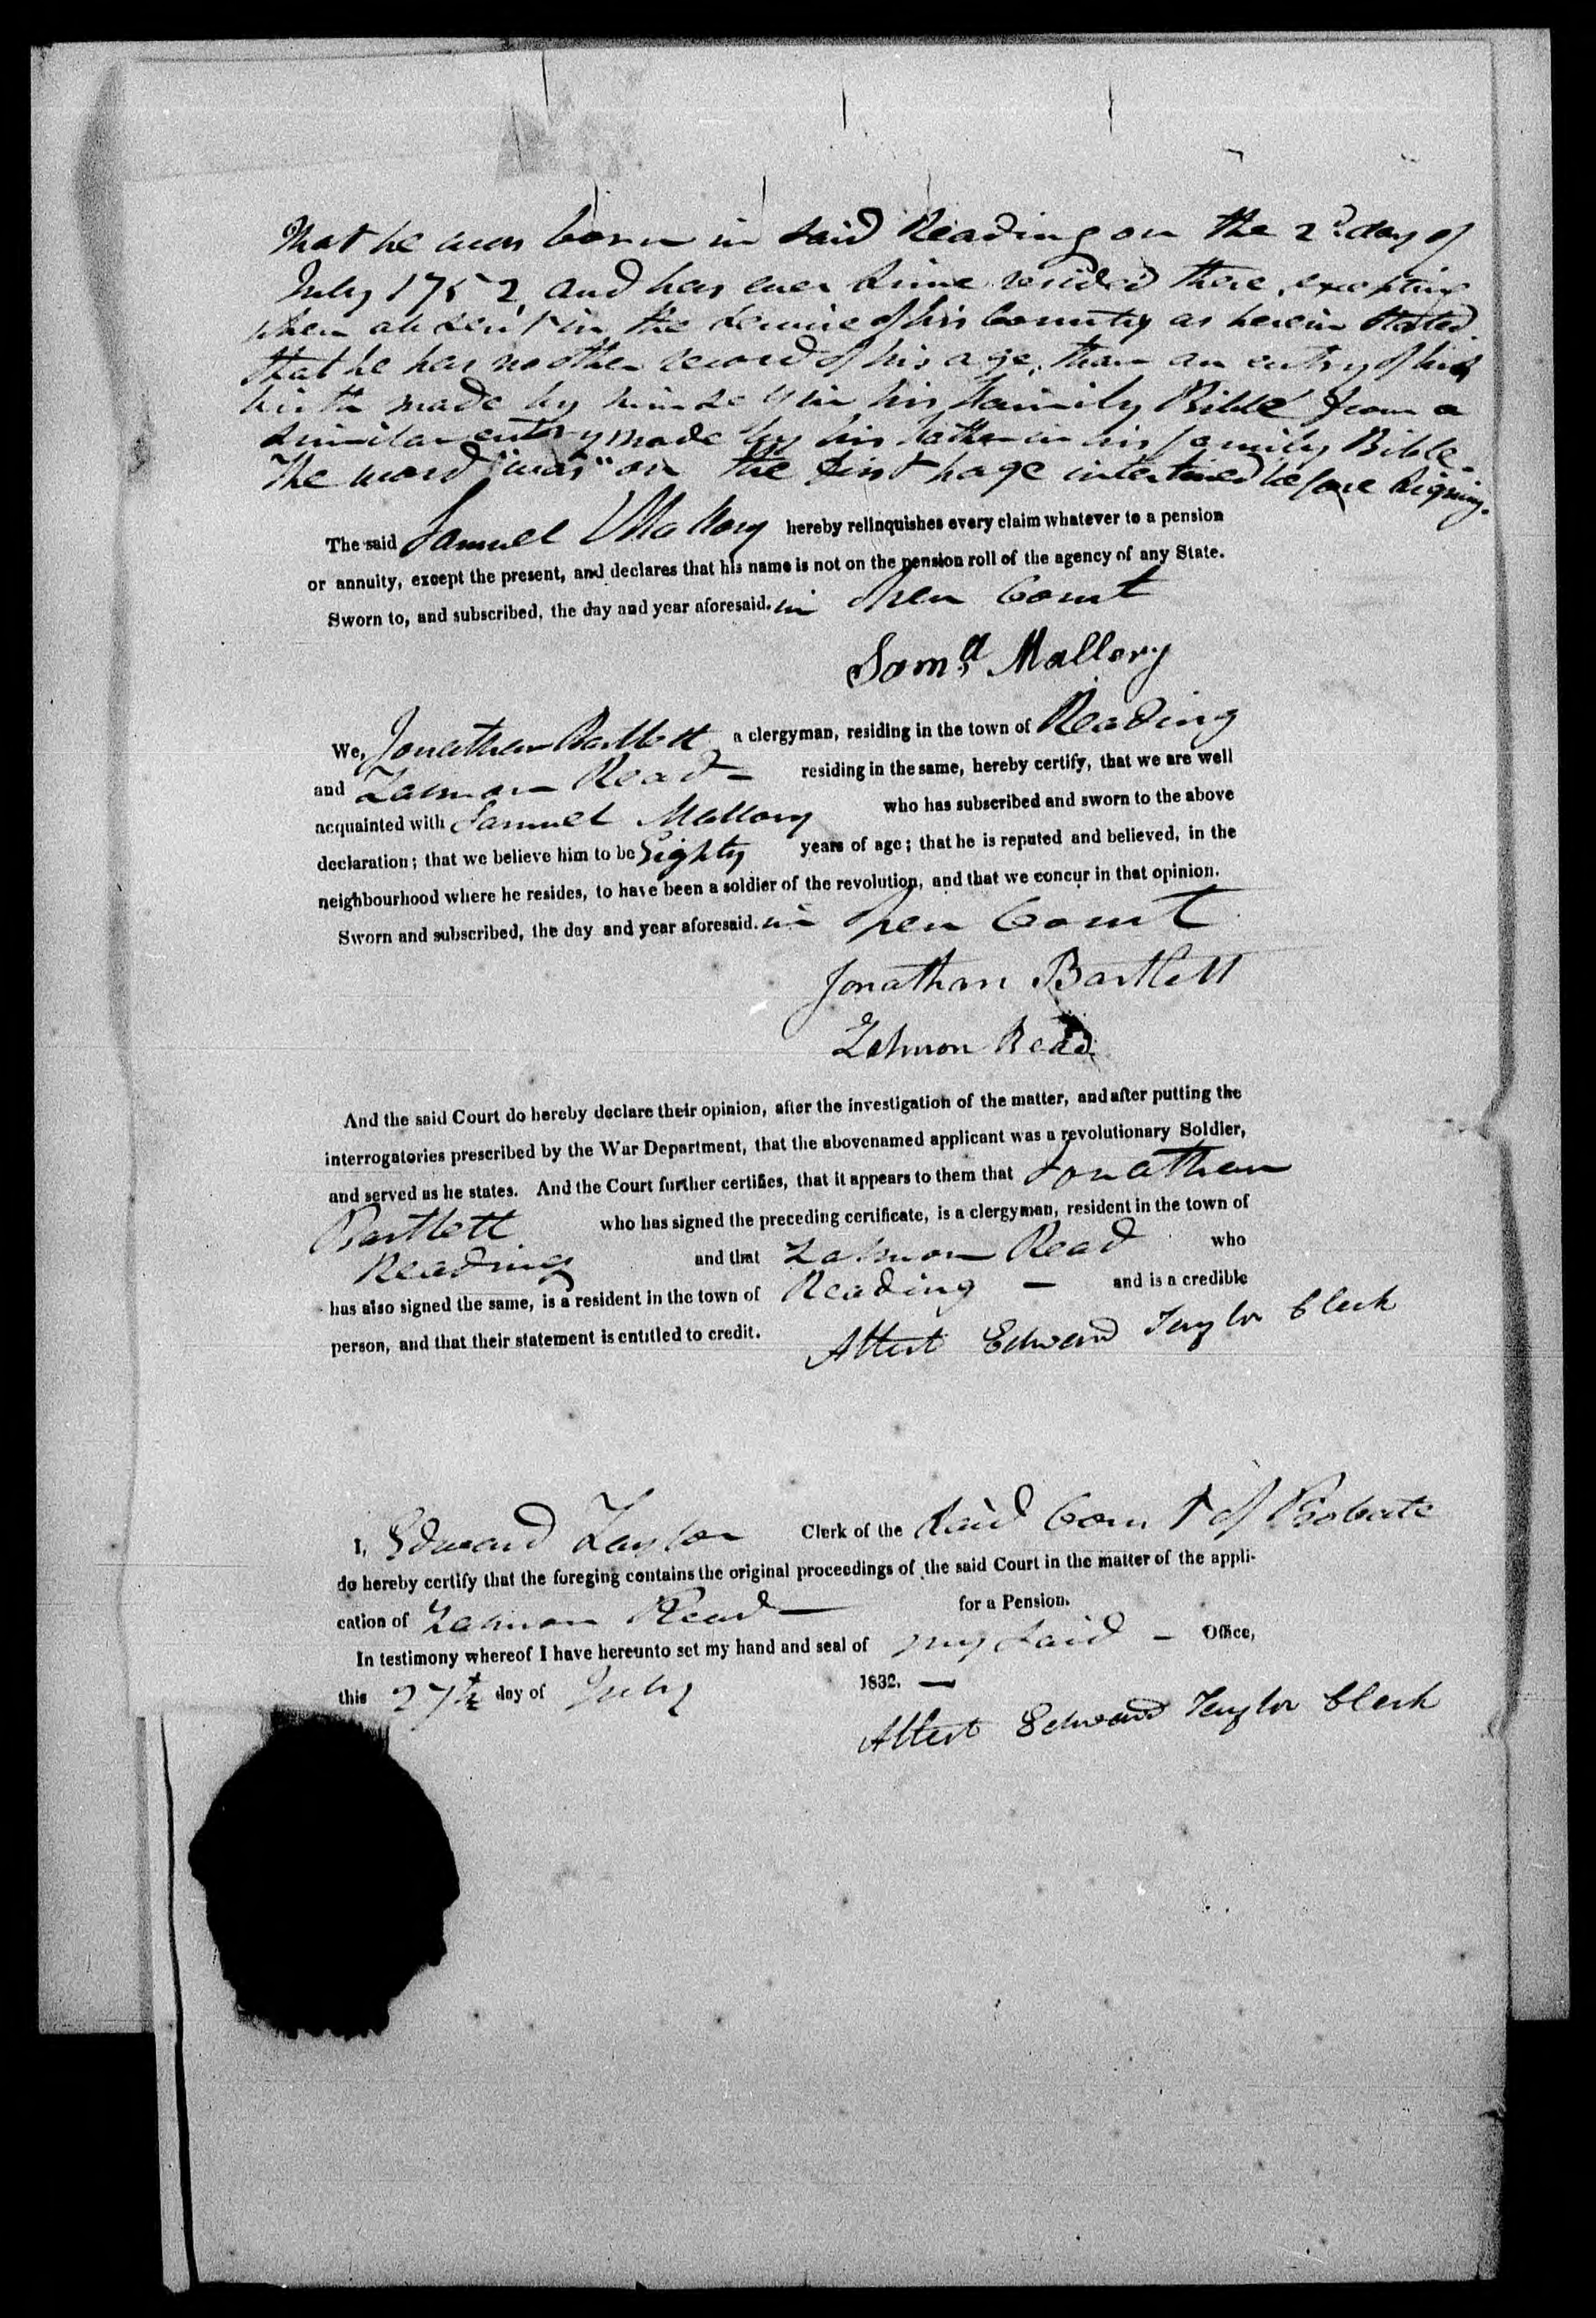That he was born in said Reading on the 23 day of July 1752 and has ever since resided there excepting when absent in the service of his County as herein Stated.  That he has no other record of his age than an entry of his birth made by him in his family Bible from a similar entry made by his Father in his family Bible.  The word “was” on the first page interlined before signing.
The said Samuel Mallory hereby relinquishes every claim whatever to a pension or annuity, except the present, and declares that his name is not on the pension roll of the agency of any State. 
Sworn to and subscribed, the day and year aforesaid, in open Court 
Saml Mallory 
I Jonathan Bartlett, a clergyman, residing in the town of Reading and Zalmon Read residing in the same, hereby certify, that we are well acquainted with Samuel Mallory who has subscribed and sworn to the above declaration; that we believe him to be eighty years of age; that he is reputed and believed, in the neighbourhood where he resides, to have been a soldier of the revolution, and that we concur in that opinion. 
Sworn and subscribed, the day and year aforesaid in open Court 
Jonathan Bartlett 
Zalmon Read 
And the said Court do hereby declare their opinion, after the investigation of the matter, and after putting the interrogatories prescribed by the War Department, that the abovenamed applicant was a revolutionary Soldier, and served as he states. And the Court further certifies, that it appears to them that Jonathan Bartlett who has signed the preceding certificate, is a clergyman, resident in the town of  Reading and at Zalmon Read who also signed the same, is a resident in the town of Reading who and is a credible person, and that their statement is entitled to credit. 
Attest Edward Taylor Clerk 
I Edward Taylor Clerk of the said Court of Probate do hereby certify that the foregoing contains the original proceedings of the said Court in the matter of the application of Zalmon Read for a Pension. 
In testimony whereof I have hereunto set my hand and seal of said Office, this 27th day of July 1832. – 
Attest Edward Taylor Clerk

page: 5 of 29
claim: survivor's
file: S. 23,312, for Samuel Mallery, Connecticut